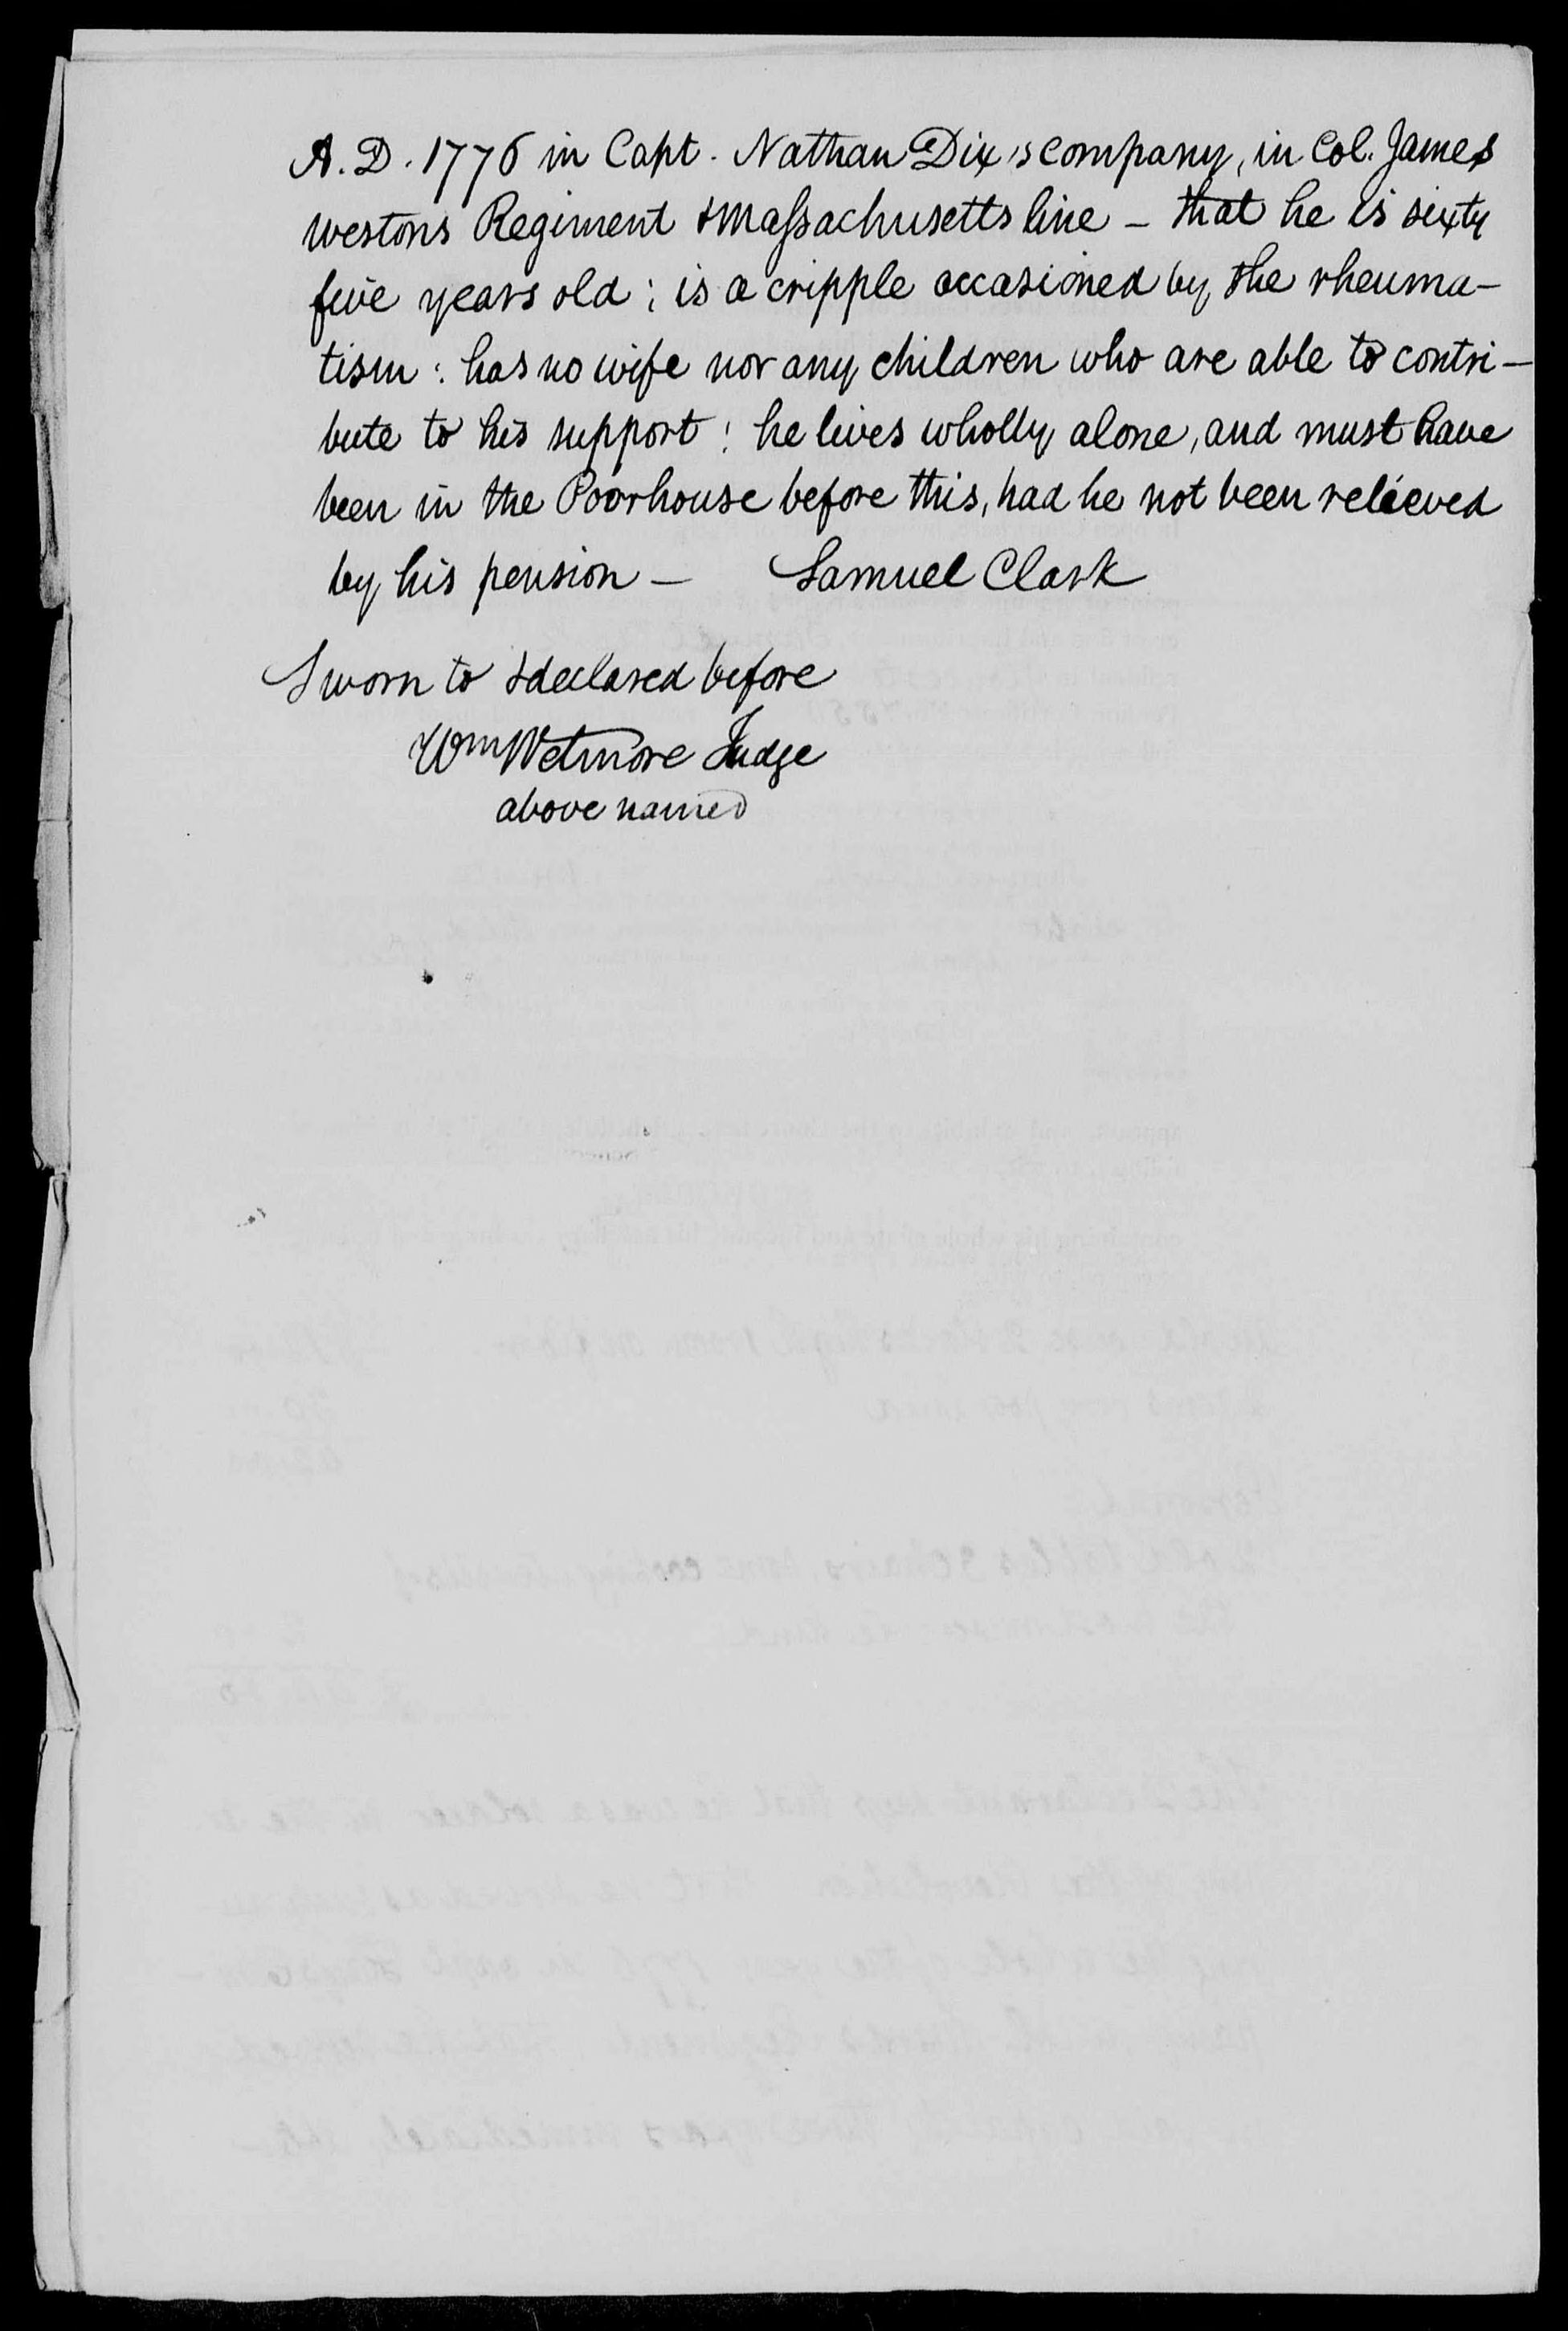A.D. 1776 in Capt. Nathan Dix's company, in Col. James Westons Regiment Massachusetts line; that he is sixty five years old; is a cripple occasioned by the rheumatism: has no wife nor any children who are able to contribute to his support; he lives wholly alone, and must have been  in the Poorhouse before this, had he not be relieved by his pension - Samuel Clark

Sworn & declared before 
Wm Wetmore Judge
above named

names: Wm Wetmore, Samuel Clark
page: 8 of 14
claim: survivor's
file: S. 34696, Samuel Clark, Continental Mass.